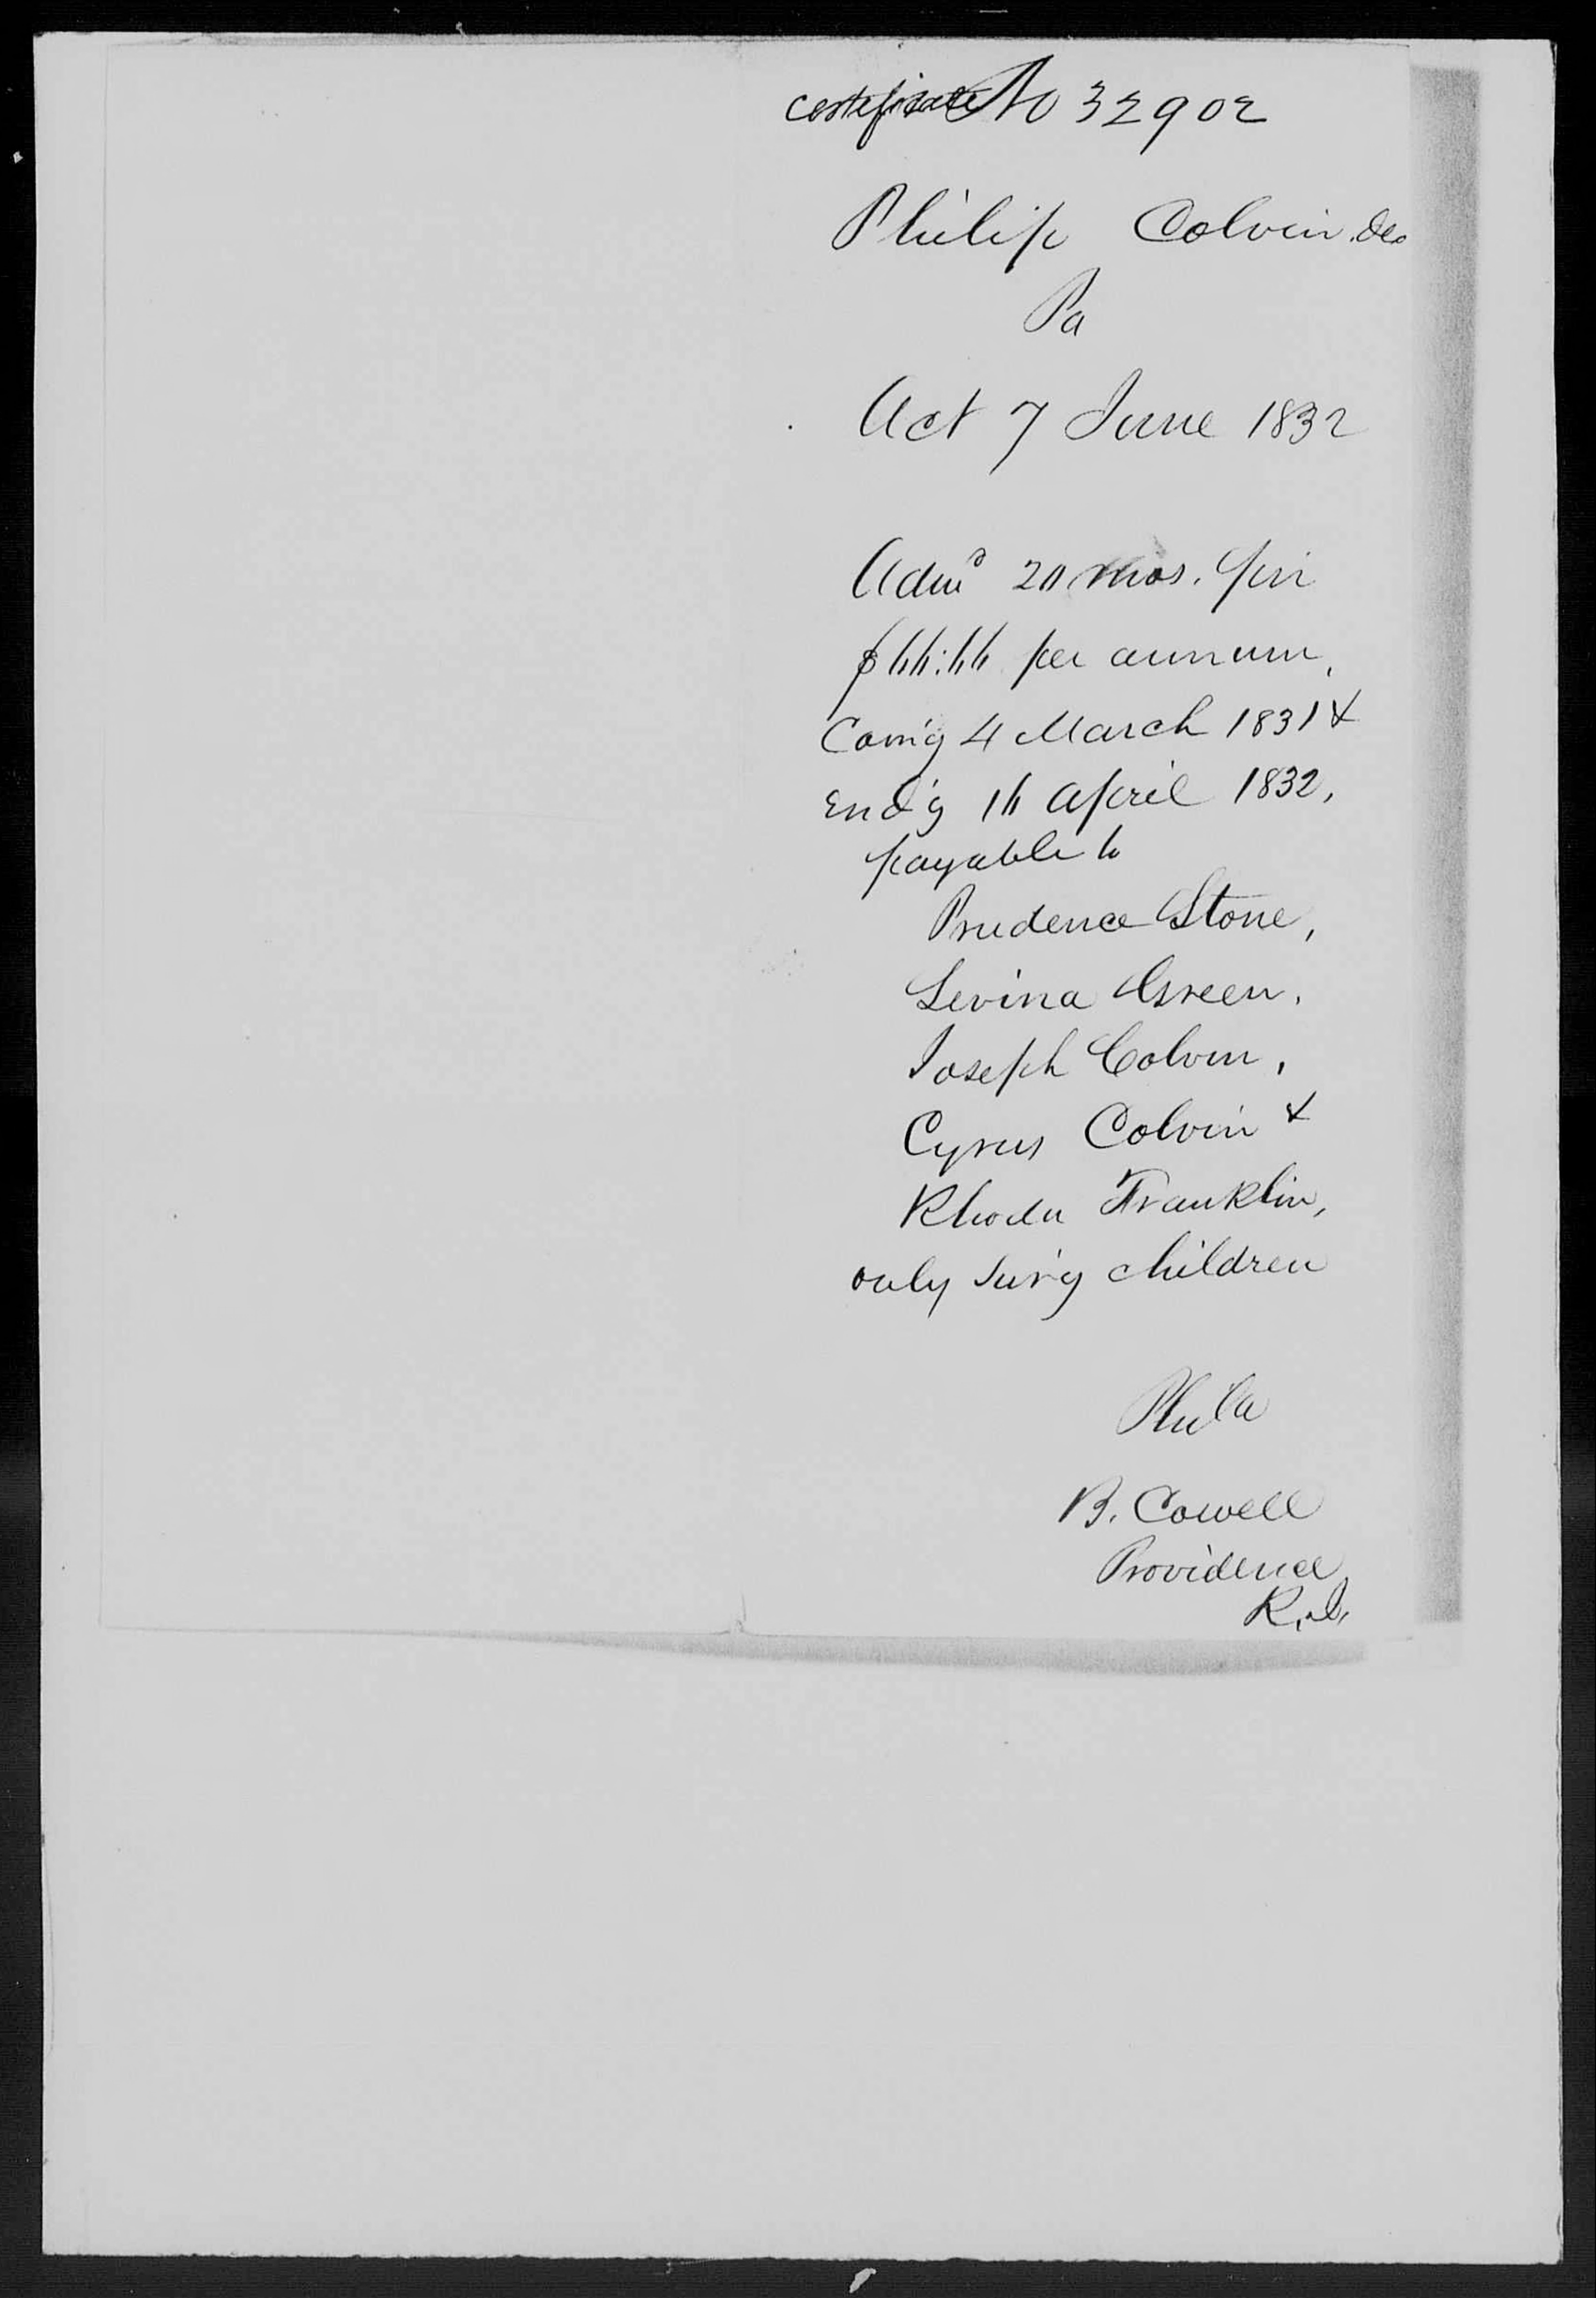Certificate No 32902
Philip Colvin Dec
Pa
Act 7 June 1832
[illegible] 20 mos. [illegible]
$66.66 per annum
Comy 4 March 1831 & End'g 16 April 1832.
Payable to Prudence Stone, Levina Green, Joseph Colvin, Cyrus Colvin & Rhoda Franklin, only sur'y children
Phila
B. Cowell 
Providence R.I.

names: Levina Green, Philip Colvin, Prudence Stone, Joseph Colvin, Cyrus Colvin, B Cowell, Rhoda Franklin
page: 23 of 41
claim: widow's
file: W. 3513, Philip Colvin, R.I.